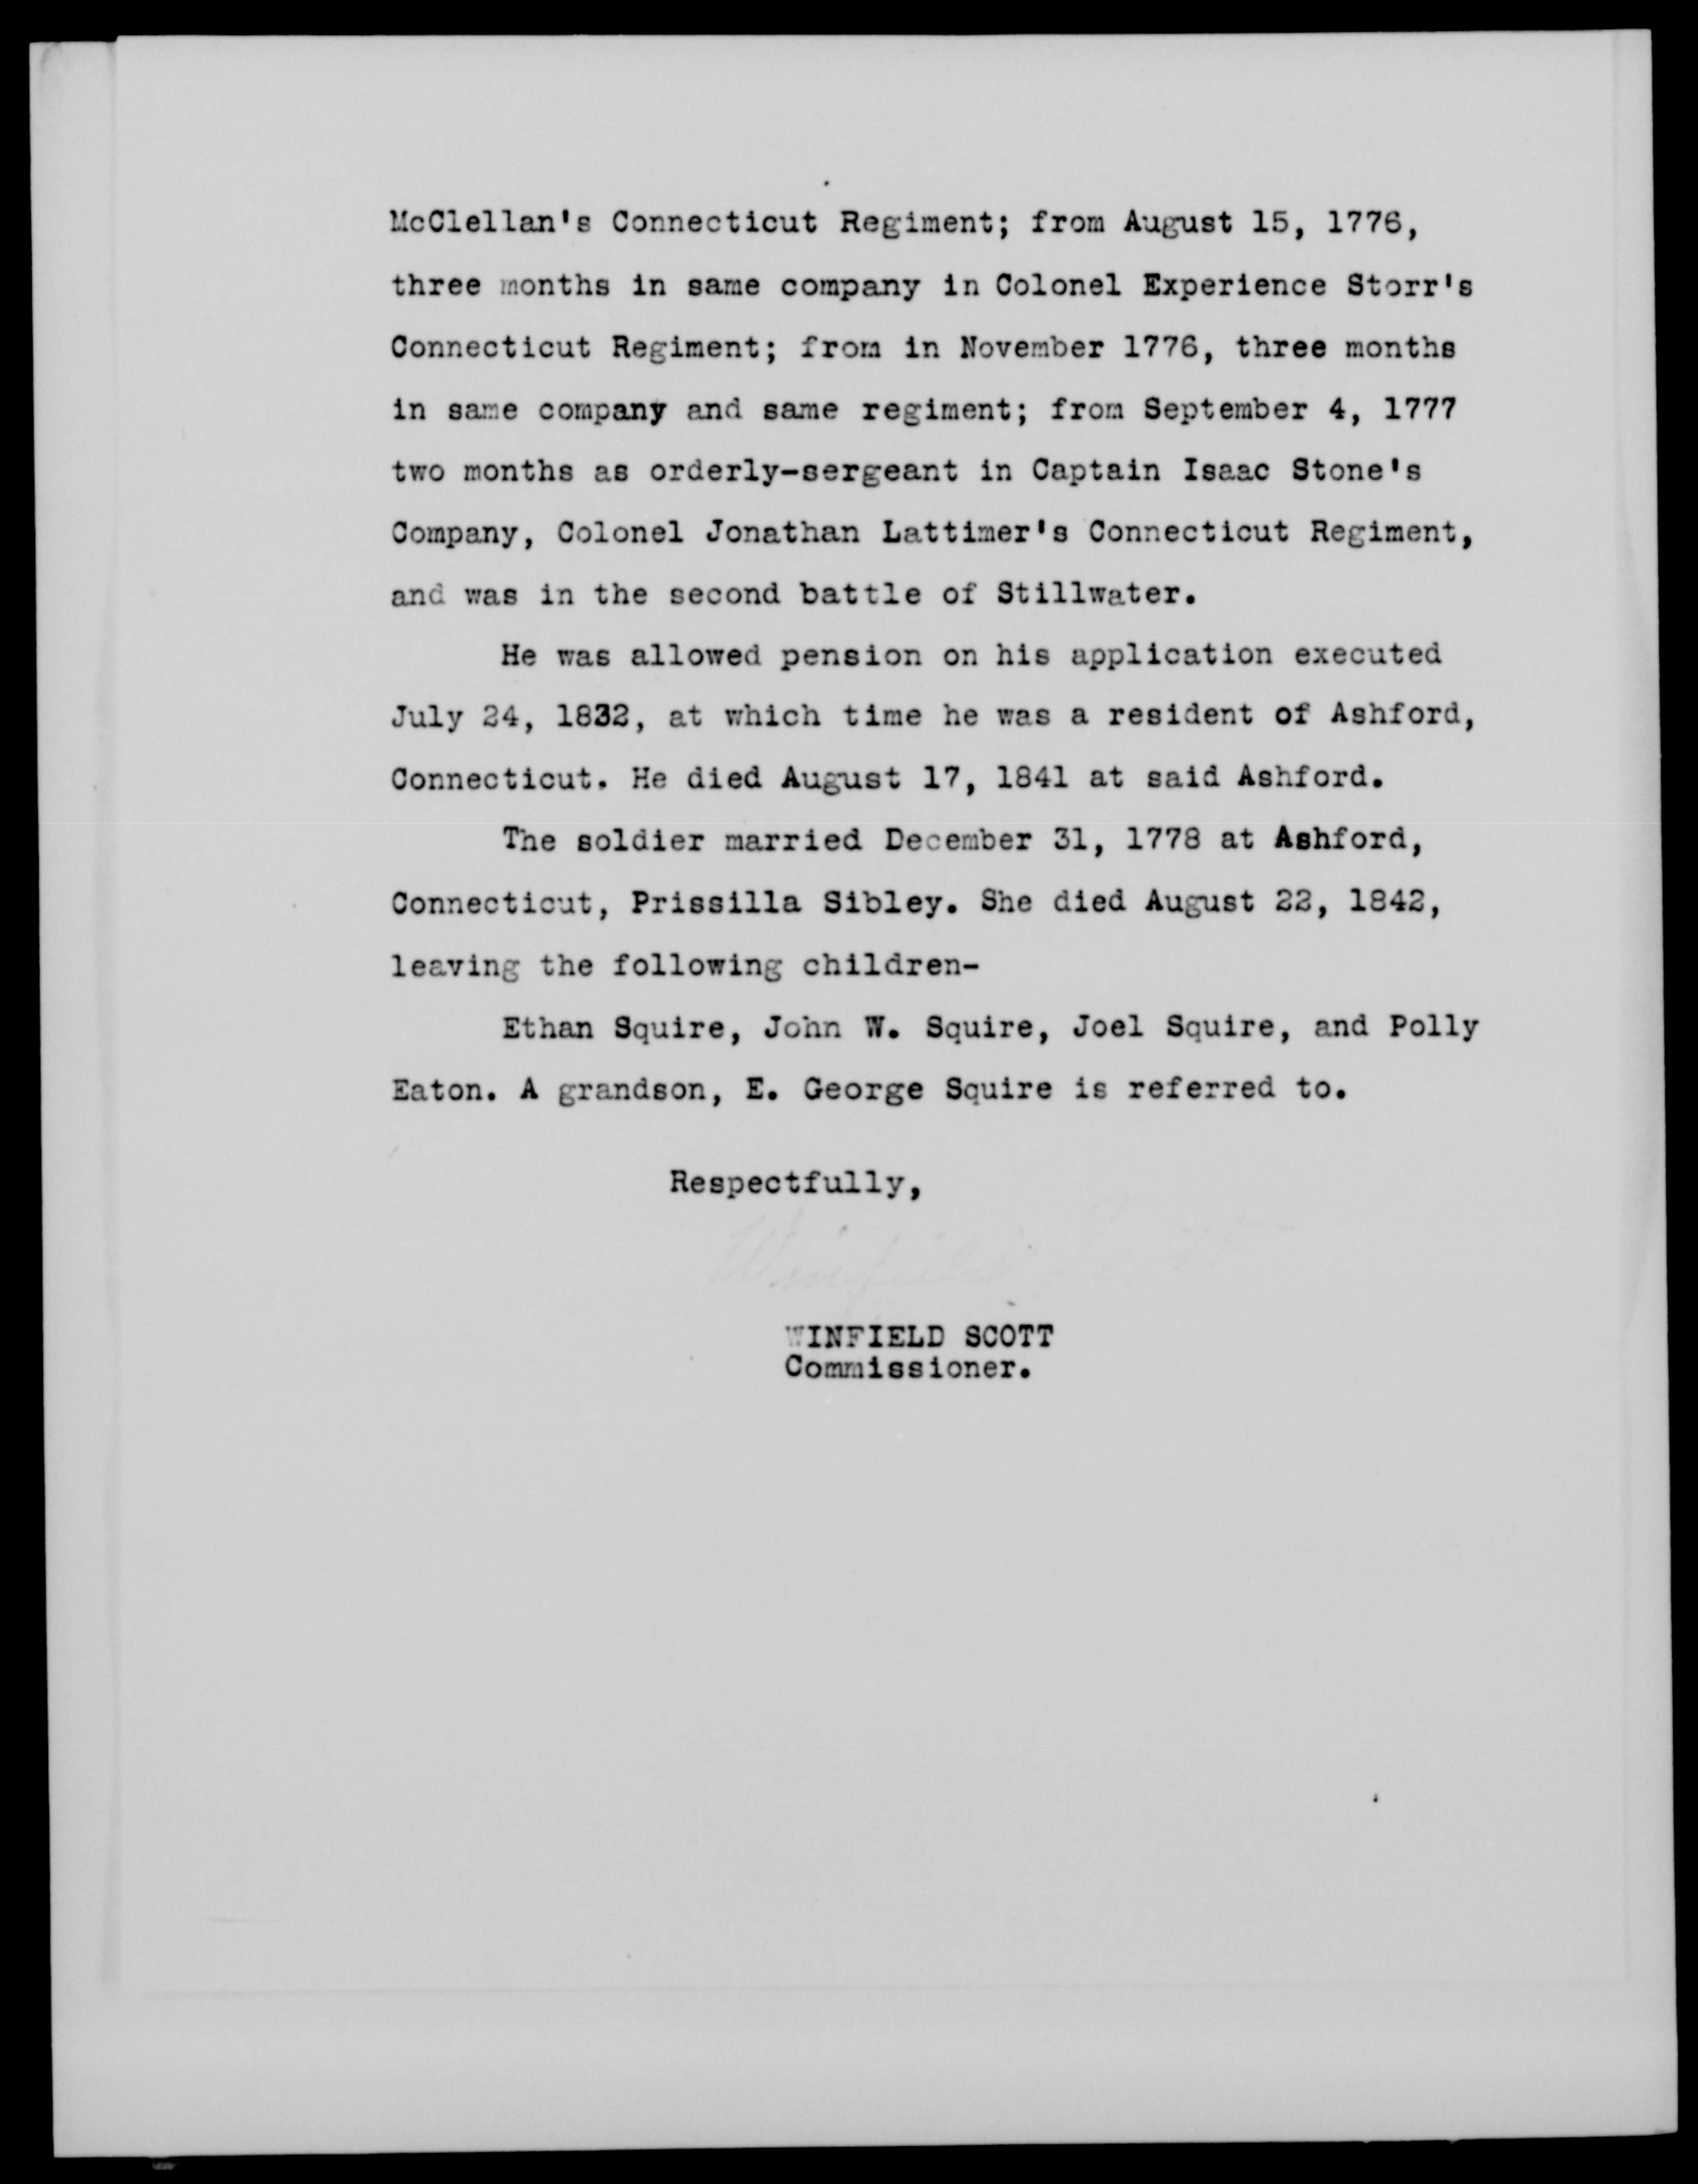McClellan's Connecticut Regiment; from August 15, 1776, three months in same company in Colonel Experience Storr's Connecticut Regiment; from in November 1776, three months in same company and same regiment; from September 4, 1777 two months as orderly-sergeant in Captain Isaac Stone's Company, Colonel Jonathan Lattimer's Connecticut Regiment, and was in the second battle of Stillwater.
He was allowed pension on his application executed JUly 24, 1832, at which time he was a resident of Ashford Connecticut. He died August 17, 1841 at said Ashford. 
The Soldier married December 31, 1778 at Ashford, Connecticut, Prissilla Sibley. She died August 22, 1842, leaving the following children-
Ethan Squire, John W. Squire, Joel Squire, and Polly Eaton. A grandson, E. George Squire is referred to. 
Respectfully, 
Winfield Scott (Signature faded)
Winfield Scott
Commissioner.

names: Ethan Squire; Winfield Scott; E George Squire; Joel Squire; Polly Eaton; Prissilla Sibley; John W Squire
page: 21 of 70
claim: rejected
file: R. 10,026, for Ephraim Squier, Connecticut